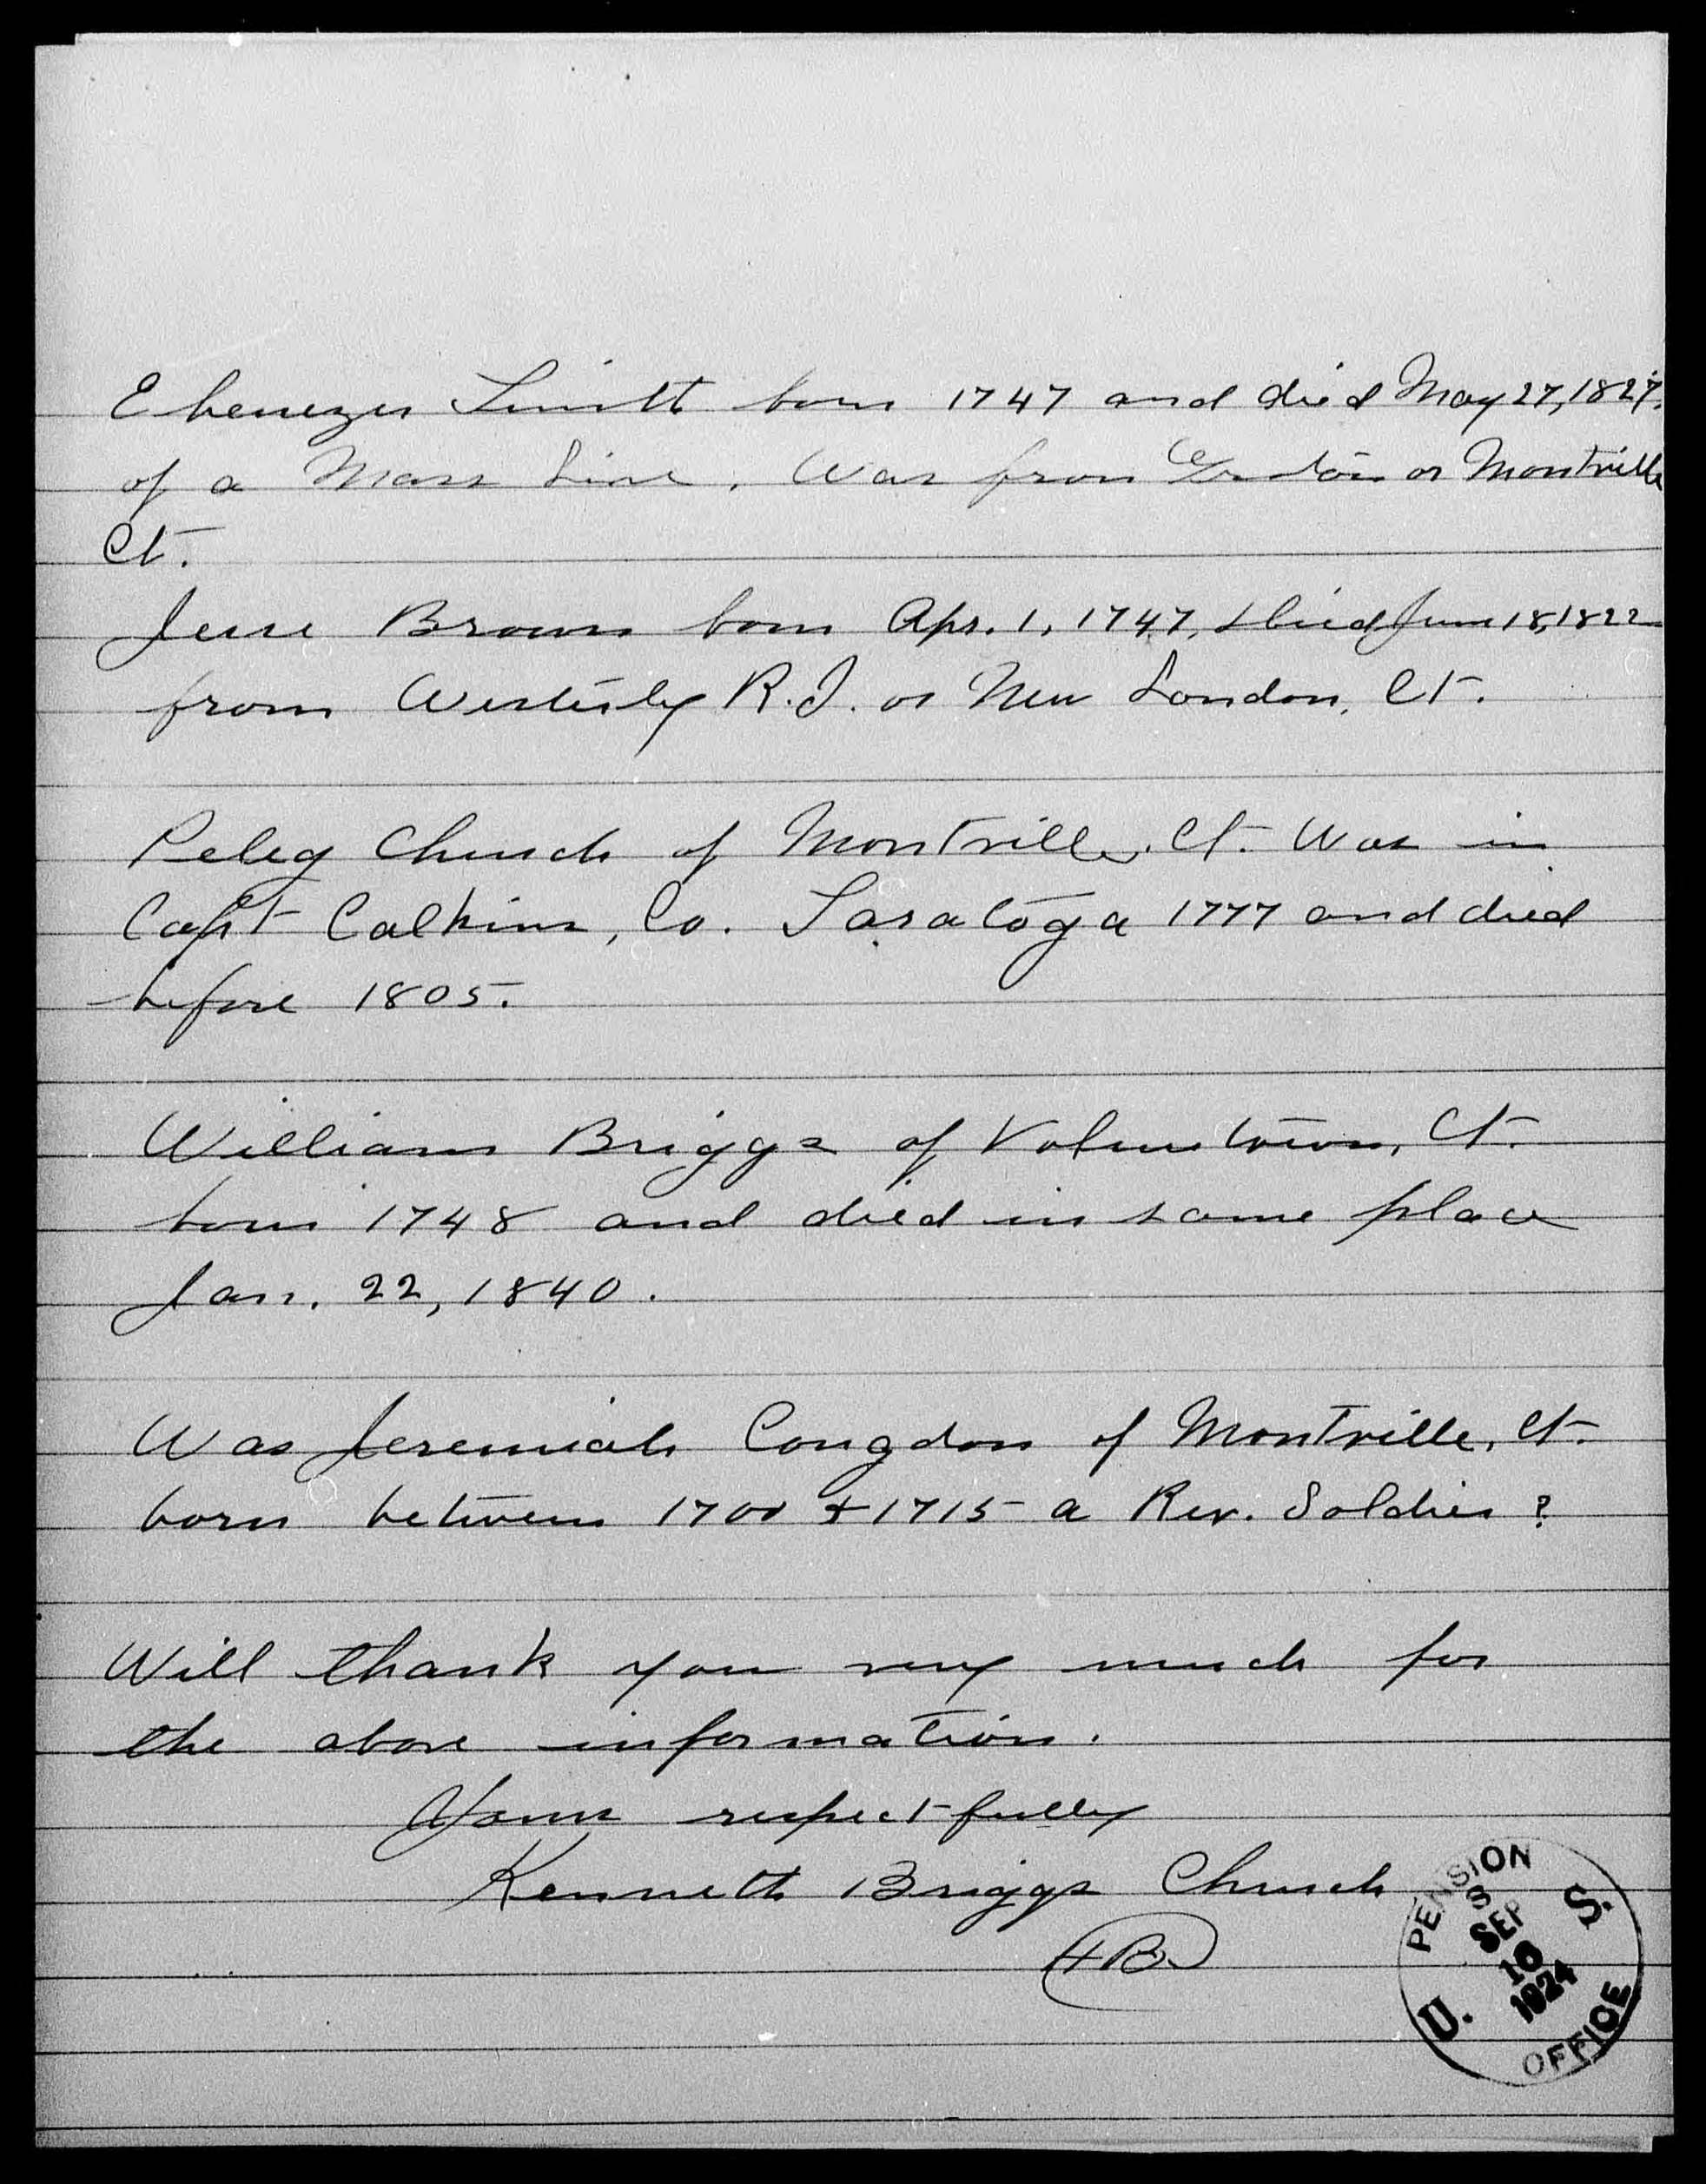Ebenezer Smith born 1747 and died May 27, 1827, of a Mass Line.  Was from Groton in Montville  Ct.

Jesse Brown born Apr. 1, 1747 Died June 28, 1822 from Westerly R.I. or New London, Ct.

Peleg Church of Montville, CT.  Was in Capt Calkins Co, Saratoga 1777 and died before 1805.

William Briggs of Voluntown, CT born 1748 and died in same place Jan. 22, 1840.

Will thank you very much for the above information.
  Yours respectfully
Kenneth Briggs Church
         +R

[Stamp affixed to lower right corner of page]

    PENSION
           S
                                                                                                                                                                                                                                                                                                                                                                      
          SEP
    U.     16     S.
          1824
        OFFICE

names: Kenneth Briggs, Jesse Brown, Peleg Church, William Briggs, Ebenezer Smith, Jeremiah Cougdon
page: 31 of 37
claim: survivor's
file: S. 12,281, William Briggs, Conn.